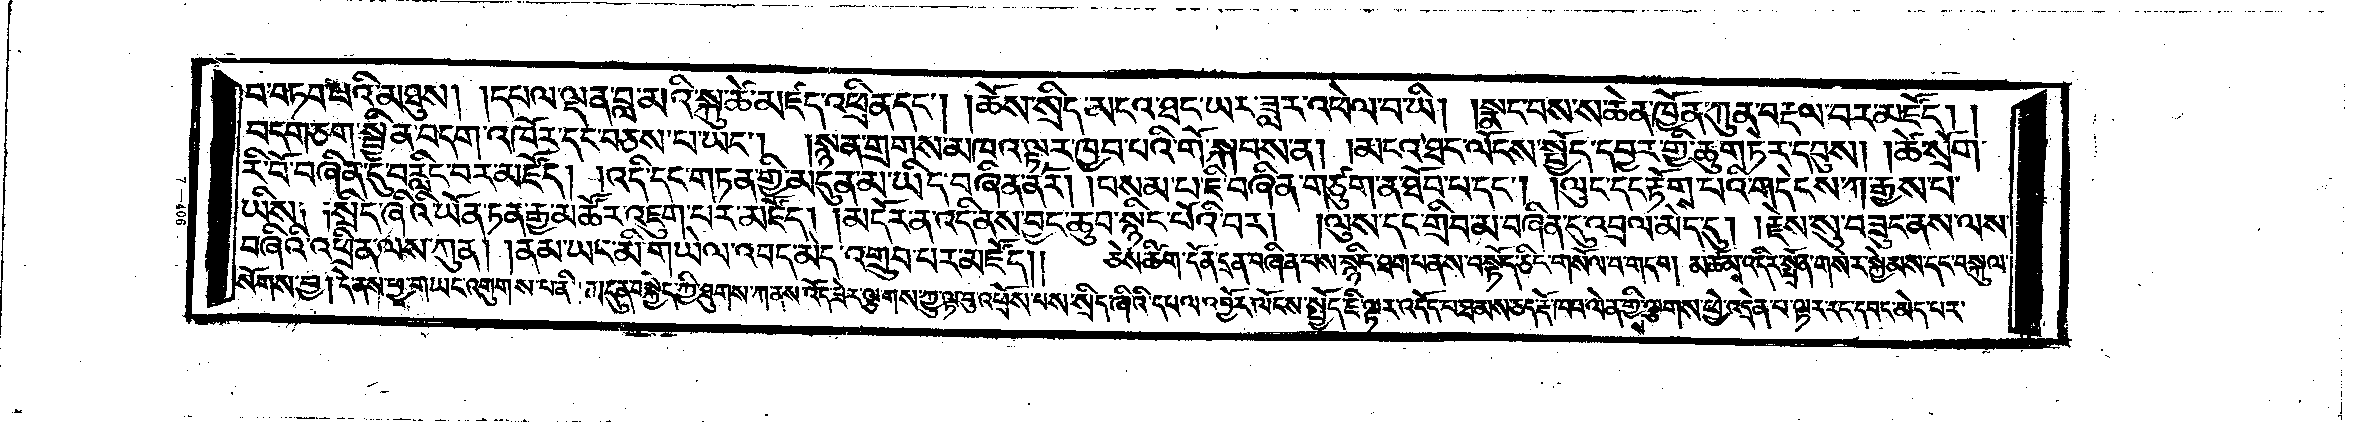བ་བཏབ་པའི་མཐུས། །དཔལ་ལྡན་བླ་མའི་སྐུ་ཚེ་མཛད་འཕྲིན་དང་། །ཆོས་སྲིད་མངའ་ཐང་ཡར་ཟླར་འཕེལ་བ་ཡི། །སྣང་བས་ས་ཆེན་ཁྱོན་ཀུན་བརྡོལ་བར་མཛོད།།
བདག་ཅག་སྦྱིན་བདག་འཁོར་དང་བཅས་པ་ཡང་། །སྙན་གྲགས་མཁའ་ལྟར་ཁྱབ་པའི་གོ་སྐབས་ན། །མངའ་ཐང་ལོངས་སྤྱོད་དབྱར་གྱི་ཆུ་གཏེར་དབུས། །ཚེ་སྲོག་
རི་བོ་བཞིན་དུ་བརླིང་བར་མཛོད། །འདི་དང་གཏན་གྱི་མདུན་མ་ཡིད་བཞིན་ནོར། །བསམ་པ་ཇི་བཞིན་གཙུག་ན་ཐོབ་པ་དང་། །ལུང་དང་རྟོག་པའི་གདེངས་ཀ་རྒྱས་པ་
ཡིས༑ ༑སྲིད་ཞིའི་ཡོན་ཏན་རྒྱ་མཚོར་འཇུག་པར་མཛོད། །མདོར་ན་འདི་ནས་བྱང་ཆུབ་སྙིང་པོའི་བར། །ལུས་དང་གྲིབ་མ་བཞིན་དུ་འབྲལ་མེད་དུ། །རྗེས་སུ་བཟུང་ནས་ལས་
བཞིའི་འཕྲིན་ལས་ཀུན། །ནམ་ཡང་མི་གཡེལ་འབད་མེད་འགྲུབ་པར་མཛོད།། ཅེས་ཚིག་དོན་དྲན་བཞིན་པས་སྙིང་ཐག་པ་ནས་བསྟོད་ཅིང་གསོལ་བ་གདབ། མཚམས་འདིར་སྤྲོན་གསེར་སྐྱེམས་དང་བསྐུལ་
སོགས་བྱ་།དེ་ནས་ཕྱཱ་གཡང་འགུགས་པ་ནི་།མདུན་བསྐྱེད་ཀྱི་ཐུགས་ཀ་ནས་འོད་ཟེར་ལྕགས་ཀྱུ་ལྟ་བུ་འཕྲོས་པས་སྲིད་ཞིའི་དཔལ་འབྱོར་ལོངས་སྤྱོད་ཇི་ལྟར་འདོད་པ་ཐམས་ཅད་རྡོ་རྗེ་ཁབ་ལེན་གྱིས་ལྕགས་ཕྱེ་འདྲེན་པ་ལྟར་རང་དབང་མེད་པར་